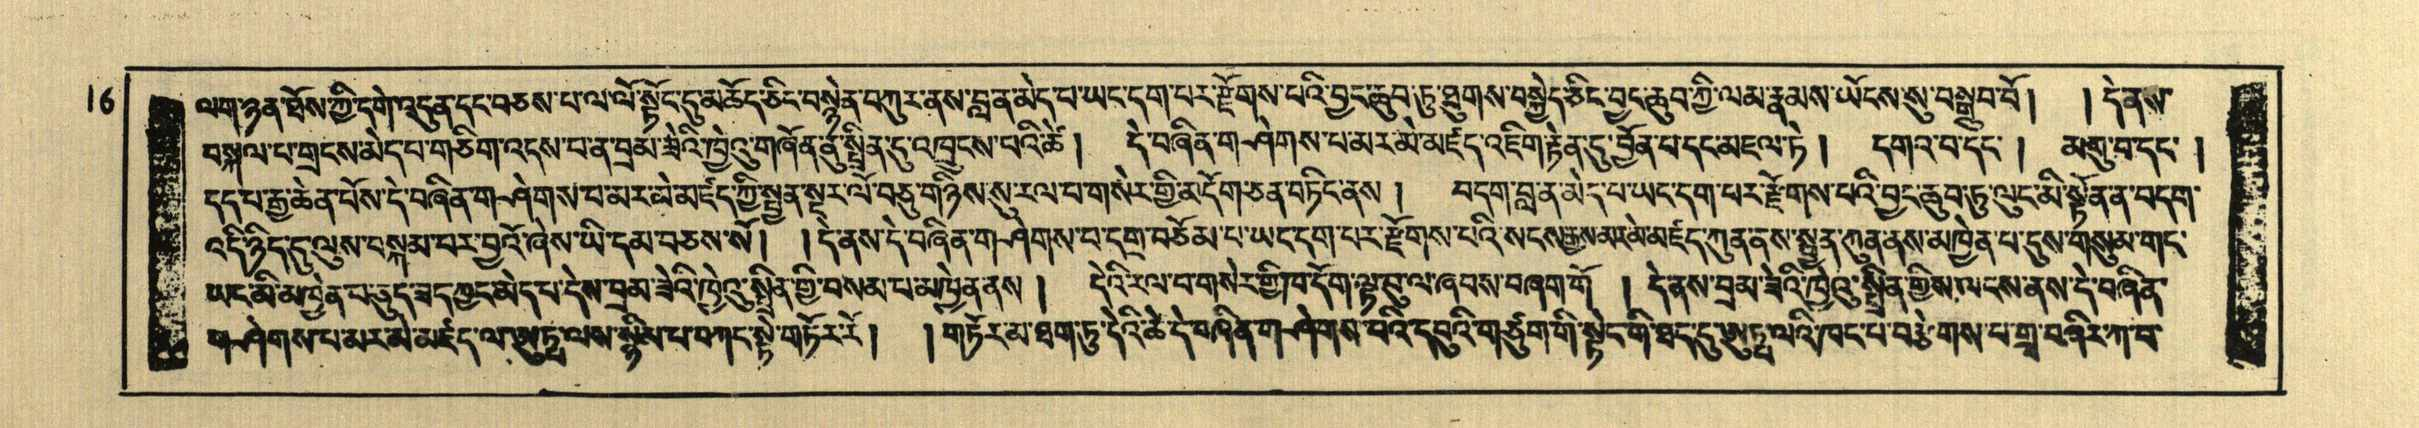ལག་ཉན་ཐོས་ཀྱི་དགེ་འདུན་དང་བཅས་པ་ལ་ལོ་སྟོང་དུ་མཆོད་ཅིང་བསྙེན་བཀུར་ནས་བླ་ན་མེད་པ་ཡང་དག་པར་རྫོགས་པའི་བྱང་ཆུབ་ཏུ་ཐུགས་བསྐྱེད་ཅིང་བྱང་ཆུབ་ཀྱི་ལམ་རྣམས་ཡོངས་སུ་བསྒྲུབ་བོ། །དེ་ནས་
བསྐལ་པ་གྲངས་མེད་པ་གཅིག་འདས་པ་ན་བྲམ་ཟེའི་ཁྱེའུ་གཞོན་ནུ་སྤྲིན་དུ་འཁྲུངས་པའི་ཚེ། དེ་བཞིན་གཤེགས་པ་མར་མེ་མཛད་འཇིག་རྟེན་དུ་བྱོན་པ་དང་མཇལ་ཏེ། དགའ་བ་དང་། མགུ་བ་དང་།
དད་པ་རྒྱ་ཆེན་པོས་དེ་བཞིན་གཤེགས་པ་མར་མེ་མཛད་ཀྱི་སྤྱན་སྔར་ལོ་བཅུ་གཉིས་སུ་རལ་པ་གསེར་གྱི་མདོག་ཅན་བཏིང་ནས། བདག་བླ་ན་མེད་པ་ཡང་དག་པར་རྫོགས་པའི་བྱང་ཆུབ་ཏུ་ལུང་མི་སྟོན་ན་བདག་
འདི་ཉིད་དུ་ལུས་བསྐམ་པར་བྱའོ་ཞེས་ཡི་དམ་བཅས་སོ། །དེ་ནས་དེ་བཞིན་གཤེགས་པ་དགྲ་བཅོམ་པ་ཡང་དག་པར་རྫོགས་པའི་སངས་རྒྱས་མར་མེ་མཛད་ཀུན་ནས་སྤྱན་ཀུན་ནས་མཁྱེན་པ་དུས་གསུམ་གང་
ཡང་མི་མཁྱེན་བ་ཅུང་ཟད་ཀྱང་མེད་པ་དེས་བྲམ་ཟེའི་ཁྱེའུ་སྤྲིན་གྱི་བསམ་པ་མཁྱེན་ནས། དེའི་རལ་བ་གསེར་གྱི་ཁ་དོག་ལྟ་བུ་ལ་ཞབས་བཞག་གོ །དེ་ནས་བྲམ་ཟེའི་ཁྱེའུ་སྤྲིན་གྱིས་ལངས་ནས་དེ་བཞིན་
གཤེགས་པ་མར་མེ་མཛད་ལ་ཨུཏྤ་ལས་སྙིམ་པ་བཀང་སྟེ་གཏོར་རོ། །གཏོར་མ་ཐག་ཏུ་དེའི་ཚེ་དེ་བཞིན་གཤེགས་པའི་དབུའི་གཙུག་གི་སྟེང་གི་ཐད་དུ་ཨུཏྤ་ལའི་ཁང་པ་བརྩེགས་པ་གྲྭ་བཞིར་ཀ་བ་